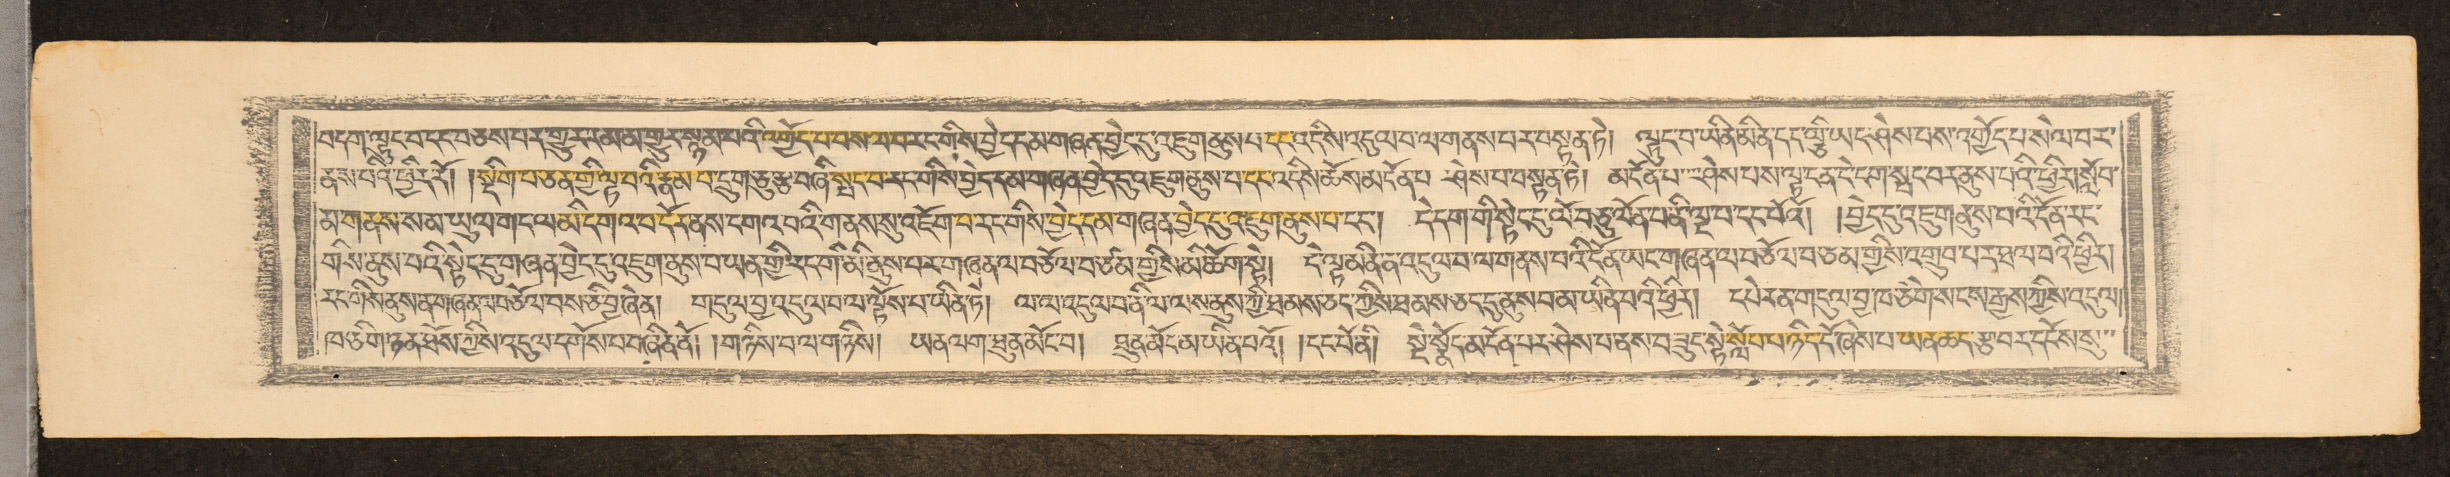བདག་ལྟུང་བ་དང་བཅས་པར་གྱུར་རམ་མ་གྱུར་སྙམ་པའི་འགྱོད་པ་བསལ་བ་རང་གིས་བྱེད་དམ་གཞན་བྱེད་དུ་འཇུག་ནུས་པ་དང་འདིས་འདུལ་བ་ལ་གནས་པར་བསྟན་ཏེ། ལྟུང་བ་ཡིན་མིན་དང་ལྕི་ཡང་ཤེས་པས་འགྱོད་པ་སེལ་བར་
ནུས་པའི་ཕྱིར་རོ། །སྡིག་པ་ཅན་གྱི་ལྟ་བའི་རྣམ་པ་དྲུག་ཅུ་རྩ་བཞི་སྤང་པ་རང་གིས་བྱེད་དམ་གཞན་བྱེད་དུ་འཇུག་ནུས་པ་དང་འདིས་ཆོས་མངོན་པ་ཤེས་པ་བསྟན་ཏེ། མངོན་པ་ཤེས་པས་ལྟ་ངན་དེ་དག་སྤང་བར་ནུས་པའི་ཕྱིར། སློབ་
མ་གནས་སམ་ཡུལ་གང་ལ་མི་དགའ་བ་དོར་ནས་དགའ་བའི་གནས་སུ་འཇོག་པ་རང་གིས་བྱེད་དམ་གཞན་བྱེད་དུ་འཇུག་ནུས་པ་དང་། དེ་དག་གི་སྟེང་དུ་ལོ་བཅུ་ལོན་པ་ནི་ལྔ་པ་དང་པོའོ། །བྱེད་དུ་འཇུག་ནུས་པའི་དོན་རང་
གིས་ནུས་པའི་སྟེང་དུ་གཞན་བྱེད་དུ་འཇུག་ནུས་པ་ཡིན་གྱི་རང་གི་མི་ནུས་པར་གཞན་ལ་བཅོལ་བ་ཙམ་གྱིས་མི་ཆོག་སྟེ། དེ་ལྟ་མིན་ན་འདུལ་བ་ལ་གནས་པའི་དོན་ཡང་གཞན་ལ་བཅོལ་བ་ཙམ་གྱིས་འགྲུབ་པར་ཐལ་བའི་ཕྱིར།
རང་གིས་ནུས་ན་གཞན་ལ་བཅོལ་བས་ཅི་བྱ་ཞེ་ན། གདུལ་བྱ་འདུལ་བ་ལ་ལྟོས་པ་ཡིན་ཏེ། ལ་ལ་འདུལ་བ་ནི་ལ་ལས་ནུས་ཀྱི་ཐམས་ཅད་ཀྱིས་ཐམས་ཅད་དུ་ནུས་པ་མ་ཡིན་པའི་ཕྱིར། དཔེར་ན་གདུལ་བྱ་ཁ་ཅིག་སངས་རྒྱས་ཀྱིས་འདུལ།
ཁ་ཅིག་ཉན་ཐོས་ཀྱིས་འདུལ་དགོས་པ་བཞིན་ནོ། །གཉིས་པ་ལ་གཉིས། ཡན་ལག་ཐུན་མོང་བ། ཐུན་མོང་མ་ཡིན་པའོ། །དང་པོ་ནི། སྡེ་སྣོད་མངོན་པར་ཤེས་པ་ནས་བཟུང་སྟེ་སློབ་པ་ཉིད་དོ་ཞེས་པ་ཡན་ཆད་རྩ་བར་དངོས་སུ་